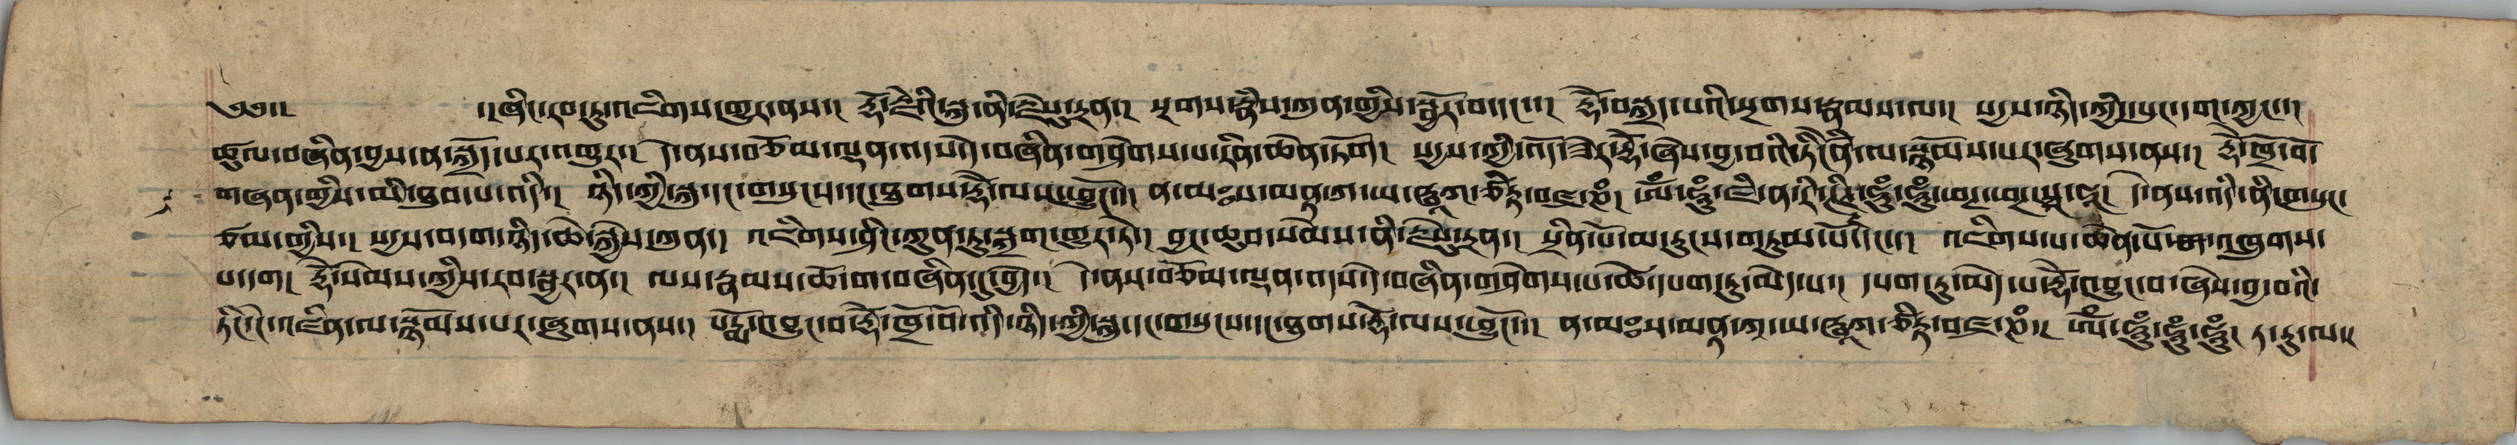༄༅་། ་།ཞིང་རབ་ཏུ་འཇིགས་གྱུར་ནས་། རྡོ་རྗེའི་སྐུ་ནི་རྗེསུ་དྲན་། སྔགས་རྣཾས་ཀུན་གྱིས་སྦྱོར་བ་དང་་། རྡོེ་བསྐྲད་པའི་སྔགས་རྣམས་ལ་། སདྱས་ཉིད་ཀྱི་དཔུང་དག་ཀྱང་་།
ཚུལ་བཞིན་བྱས་ན་སྐྲོད་པར་འགྱུར་། དེ་ནས་བཅོམ་ལྡན་འདས་དེ་བཞིན་གཤེགས་པ་རིན་ཆེན་ཏོག། སདྱས་ཀྱི་འོད་ཟེར་རྡོེ་ཞེས་བྱ་བའི་ཏིངེཛིན་ལ་སྙོམས་པར་ཞུགས་ནས་། རྡོེ་ཁྲོ་བོ་
གཞན་གྱིས་མི་ཐུབ་པ་འདི་། ཉིད་ཀྱི་སྐུ་དང་གསུངས་དང་ཐུགས་རྡོེ་ལས་ཕྱུངོ་་། ན་མཿསནྟ་ཀ་ཡ་ཝཱཀ་ཙིཏྟ་བཛྲ་ཎཾ། ཨོཾ་ཧཱུཾ་ཛི་ན་རི་ཊིཊ་ཧཱུཾ་ཧཱུཾ་ཕཊ་ཕཊ་སྭ་ཧཱ། དེ་ནས་འདི་ནི་གསུང་
ཙམ་གྱིས་། སདྱས་བདག་ཉིད་ཆེ་སྐྱེས་ཀུན་། འཇིགས་ཤིང་ཀུན་ཏུ་སྐྲག་གྱུར་ཏེ་། བྱང་ཆུབ་སེམས་ནི་རྗེསུ་དྲན་། སྲིན་པོ་མ་རུངས་གཏུམ་པོ་དང་་། འཇིགས་པ་ཆེན་པོ་ག་འཁྲུགས་
པ་དག། རྡོེ་སེམས་ཀྱིས་རབ་སྦྱར་ན་། ལས་རྣམས་ཆོ་ག་བཞིན་དུ་བྱེད་། དེ་ནས་བཅོམ་ལྡན་འདས་དེ་བཞིན་གཤེགས་པ་ཚེ་དཔག་ཏུ་མེད་པ་། དཔག་ཏུ་མེད་པ་རྡོེ་འབྱུང་བ་ཞེས་བྱ་བའི་
ཏིང་ངེ་འཛིན་ལ་སྙོམས་པར་ཞུགས་ནས་། པདྨོ་འབྱུང་བ་རྡོེ་ཁྲོ་བོ་འདི་ཉིད་ཀྱི་སྐུ་དང་གསུངས་དང་ཐུགས་རྡོེ་ལས་ཕྱུངོ་་། ན་མཿས་མནྟ་ཀཱ་ཡ་ཝཱཀ་ཙིཏྟ་བཛྲ་ཎཾ་། ཨོཾ་ཧཱུཾ་ཧཱུཾ་ཧཱུཾ། ཏ་རུ་ལ་